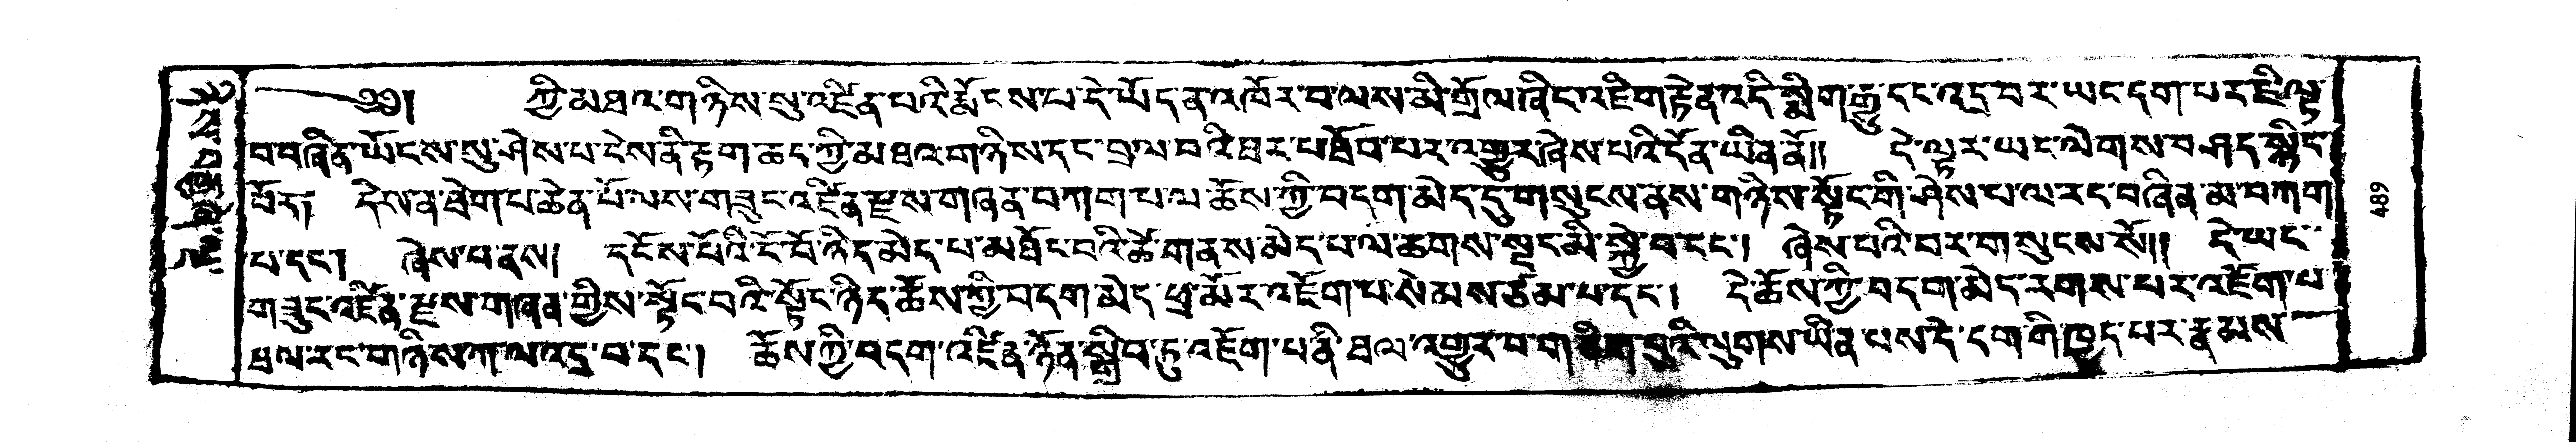༄༅། །ཀྱི་མཐའ་གཉིས་སུ་འཛིན་པའི་རྨོངས་པ་དེ་ཡོད་ན་འཁོར་བ་ལས་མི་གྲོལ་ཞིང་འཇིག་རྟེན་འདི་སྨིག་རྒྱུ་དང་འདྲ་བར་ཡང་དག་པར་ཇི་ལྟ་
བ་བཞིན་ཡོངས་སུ་ཤེས་པ་ངེས་ནི་རྟག་ཆད་ཀྱི་མཐའ་གཉིས་དང་བྲལ་བའི་ཐར་པ་ཐོབ་པར་འགྱུར་ཞེས་པའི་དོན་ཡིན་ནོ། །དེ་ལྟར་ཡང་ལེགས་བཤད་སྙིང་
པོར། དེས་ན་ཐེག་པ་ཆེན་པོ་ལས་གཟུང་འཛིན་རྫས་གཞན་བཀག་པ་ལ་ཆོས་ཀྱི་བདག་མེད་དུ་གསུངས་ནས་གཉིས་སྟོང་གི་ཤེས་པ་ལ་རང་བཞིན་མ་བཀག་
པ་དང་། ཞེས་པ་ནས། དངོས་པོའི་ངོ་བོ་ཉིད་མེད་པ་མཐོང་བའི་ཚེ་གནས་མེད་པ་ལ་ཆགས་སྔར་མི་སྐྱེ་བ་དང་། ཞེས་པའི་བར་གསུངས་སོ། །དེ་ཡང་
གཟུང་འཛིན་རྫས་གཞན་གྱིས་སྟོང་བའི་སྟོང་ཉིད་ཆོས་ཀྱི་བདག་མེད་ཕྲ་མོར་འཇོག་པ་སེམས་ཙམ་པ་དང་། དེ་ཆོས་ཀྱི་བདག་མེད་རགས་པར་འཇོག་པ་
ཐལ་རང་གཉིས་ཀ་ལ་འདྲ་བ་དང་། ཆོས་ཀྱི་བདག་འཛིན་ཉོན་སྒྲིབ་ཏུ་འཇོག་པ་ནི་ཐལ་འགྱུར་བ་གཅིག་བུའི་ལུགས་ཡིན་པས་དེ་དག་གི་ཁྱད་པར་རྣམས་